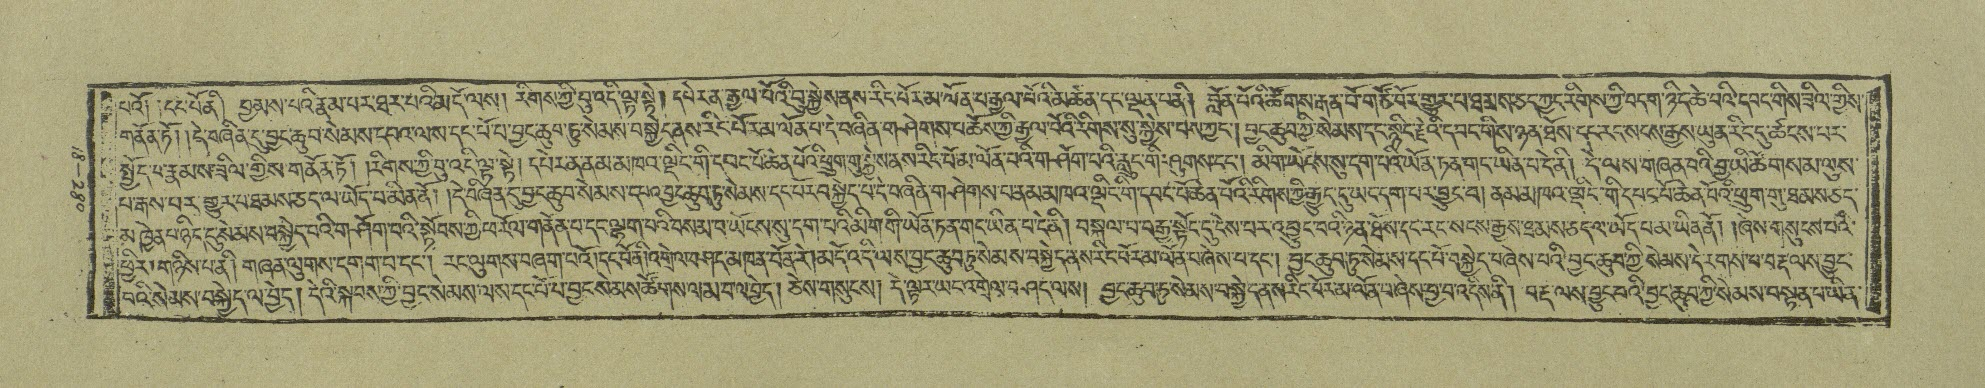པའོ། །དང་པོ་ནི། བྱམས་པའི་རྣམ་པར་ཐར་པའི་མདོ་ལས། རིགས་ཀྱི་བུ་འདི་ལྟ་སྟེ། དཔེར་ན་རྒྱལ་པོའི་བུ་སྐྱེས་ནས་རིང་པོར་མ་ལེན་པ་རྒྱལ་པོའི་མཚན་དང་ལྡན་པ་ནི། བློན་པོའི་ཚོགས་རྒན་པོ་གཙོ་བོར་གྱུར་བ་ཐམས་ཅད་ཀྱང་རིགས་ཀྱི་བདག་ཉིད་ཆེ་བའི་དབང་གིས་ཟིལ་གྱིས་
གནོན་ཏོ། །དེ་བཞིན་དུ་བྱང་ཆུབ་སེམས་དཔའ་ལས་དང་པོ་བ་བྱང་ཆུབ་ཏུ་སེམས་བསྐྱེད་ནས་རིང་པོར་མ་ལོན་པ་དེ་བཞིན་གཤེགས་པ་ཆོས་ཀྱི་རྒྱལ་པོའི་རིགས་སུ་སྐྱེས་པས་ཀྱང་། བྱང་ཆུབ་ཀྱི་སེམས་དང་སྙིང་རྗེའི་དབང་གིས་ཉན་ཐོས་དང་རང་སངས་རྒྱས་ཡུན་རིང་དུ་ཚངས་པར་
སྤྱོད་པ་རྣམས་ཟིལ་གྱིས་གནོན་ཏོ། །རིགས་ཀྱི་བུ་འདི་ལྟ་སྟེ། དཔེར་ན་ནམ་མཁའ་ལྡིང་གི་དབང་པོ་ཆེན་པོའི་ཕྲུག་གུ་སྐྱེས་ནས་རིང་པོ་མ་ལོན་པའི་གཤོག་པའི་རླུང་གི་ཤུགས་དང་། མིག་ཡོངས་སུ་དག་པའི་ཡོན་ཏན་གང་ཡིན་པ་དེ་ནི། དེ་ལས་གཞན་པའི་བྱ་ཡི་ཚོགས་མ་ལུས་
པ་རྒས་པར་གྱུར་པ་ཐམས་ཅད་ལ་ཡོད་པ་མིན་ནོ། །དེ་བཞིན་དུ་བྱང་ཆུབ་སེམས་དཔའ་བྱང་ཆུབ་ཏུ་སེམས་དང་པོར་བསྐྱེད་པ་དེ་བཞིན་གཤེགས་པ་ནམ་མཁའ་ལྡིང་གི་དབང་པོ་ཆེན་པོའི་རིགས་ཀྱི་རྒྱུད་དུ་ཡང་དག་པར་བྱུང་བ། ནམ་མཁའ་ལྡིང་གི་དབང་པོ་ཆེན་པོའི་ཕྲུག་གུ་ཐམས་ཅད་
མཁྱེན་པ་ཉིད་དུ་སེམས་བསྐྱེད་པའི་གཤོག་པའི་སྟོབས་ཀྱི་ཕ་རོལ་གནོན་པ་དང་ལྷག་པའི་བསམ་པ་ཡོངས་སུ་དག་པའི་མིག་གི་ཡོན་ཏན་གང་ཡིན་པ་དེ་ནི། བསྐལ་པ་བརྒྱ་སྟོང་དུ་ངེས་པར་འབྱུང་བའི་ཉན་ཐོས་དང་རང་སངས་རྒྱས་ཐམས་ཅད་ལ་ཡོད་པ་མ་ཡིན་ནོ། །ཞེས་གསུངས་པའི་
ཕྱིར། གཉིས་པ་ནི། གཞན་ལུགས་དགག་པ་དང་། རང་ལུགས་བཞག་པའོ། དང་པོ་ནི། འགྲེལ་བཤད་མཁན་པོ་ན་རེ། མདོ་འདི་ལས་བྱང་ཆུབ་ཏུ་སེམས་བསྐྱེད་ནས་རིང་པོར་མ་ལོན་པ་ཞེས་པ་དང་། བྱང་ཆུབ་ཏུ་སེམས་དང་པོ་བསྐྱེད་པ་ཞེས་པའི་བྱང་ཆུབ་ཀྱི་སེམས་དེ་རགས་པ་བརྡ་ལས་བྱུང་
བའི་སེམས་བསྐྱེད་ལ་བྱེད། དེའི་སྐབས་ཀྱི་བྱང་སེམས་ལས་དང་པོ་བ་བྱང་སེམས་ཚོགས་ལམ་པ་ལ་བྱེད། ཅེས་གསུངས། དེ་ལྟར་ཡང་འགྲེལ་བཤད་ལས། བྱང་ཆུབ་ཏུ་སེམས་བསྐྱེད་ནས་རིང་པོར་མ་ལོན་པ་ཞེས་བྱ་བ་འདིས་ནི། བརྡ་ལས་བྱུང་བའི་བྱང་ཆུབ་ཀྱི་སེམས་བསྟན་པ་ཡིན་